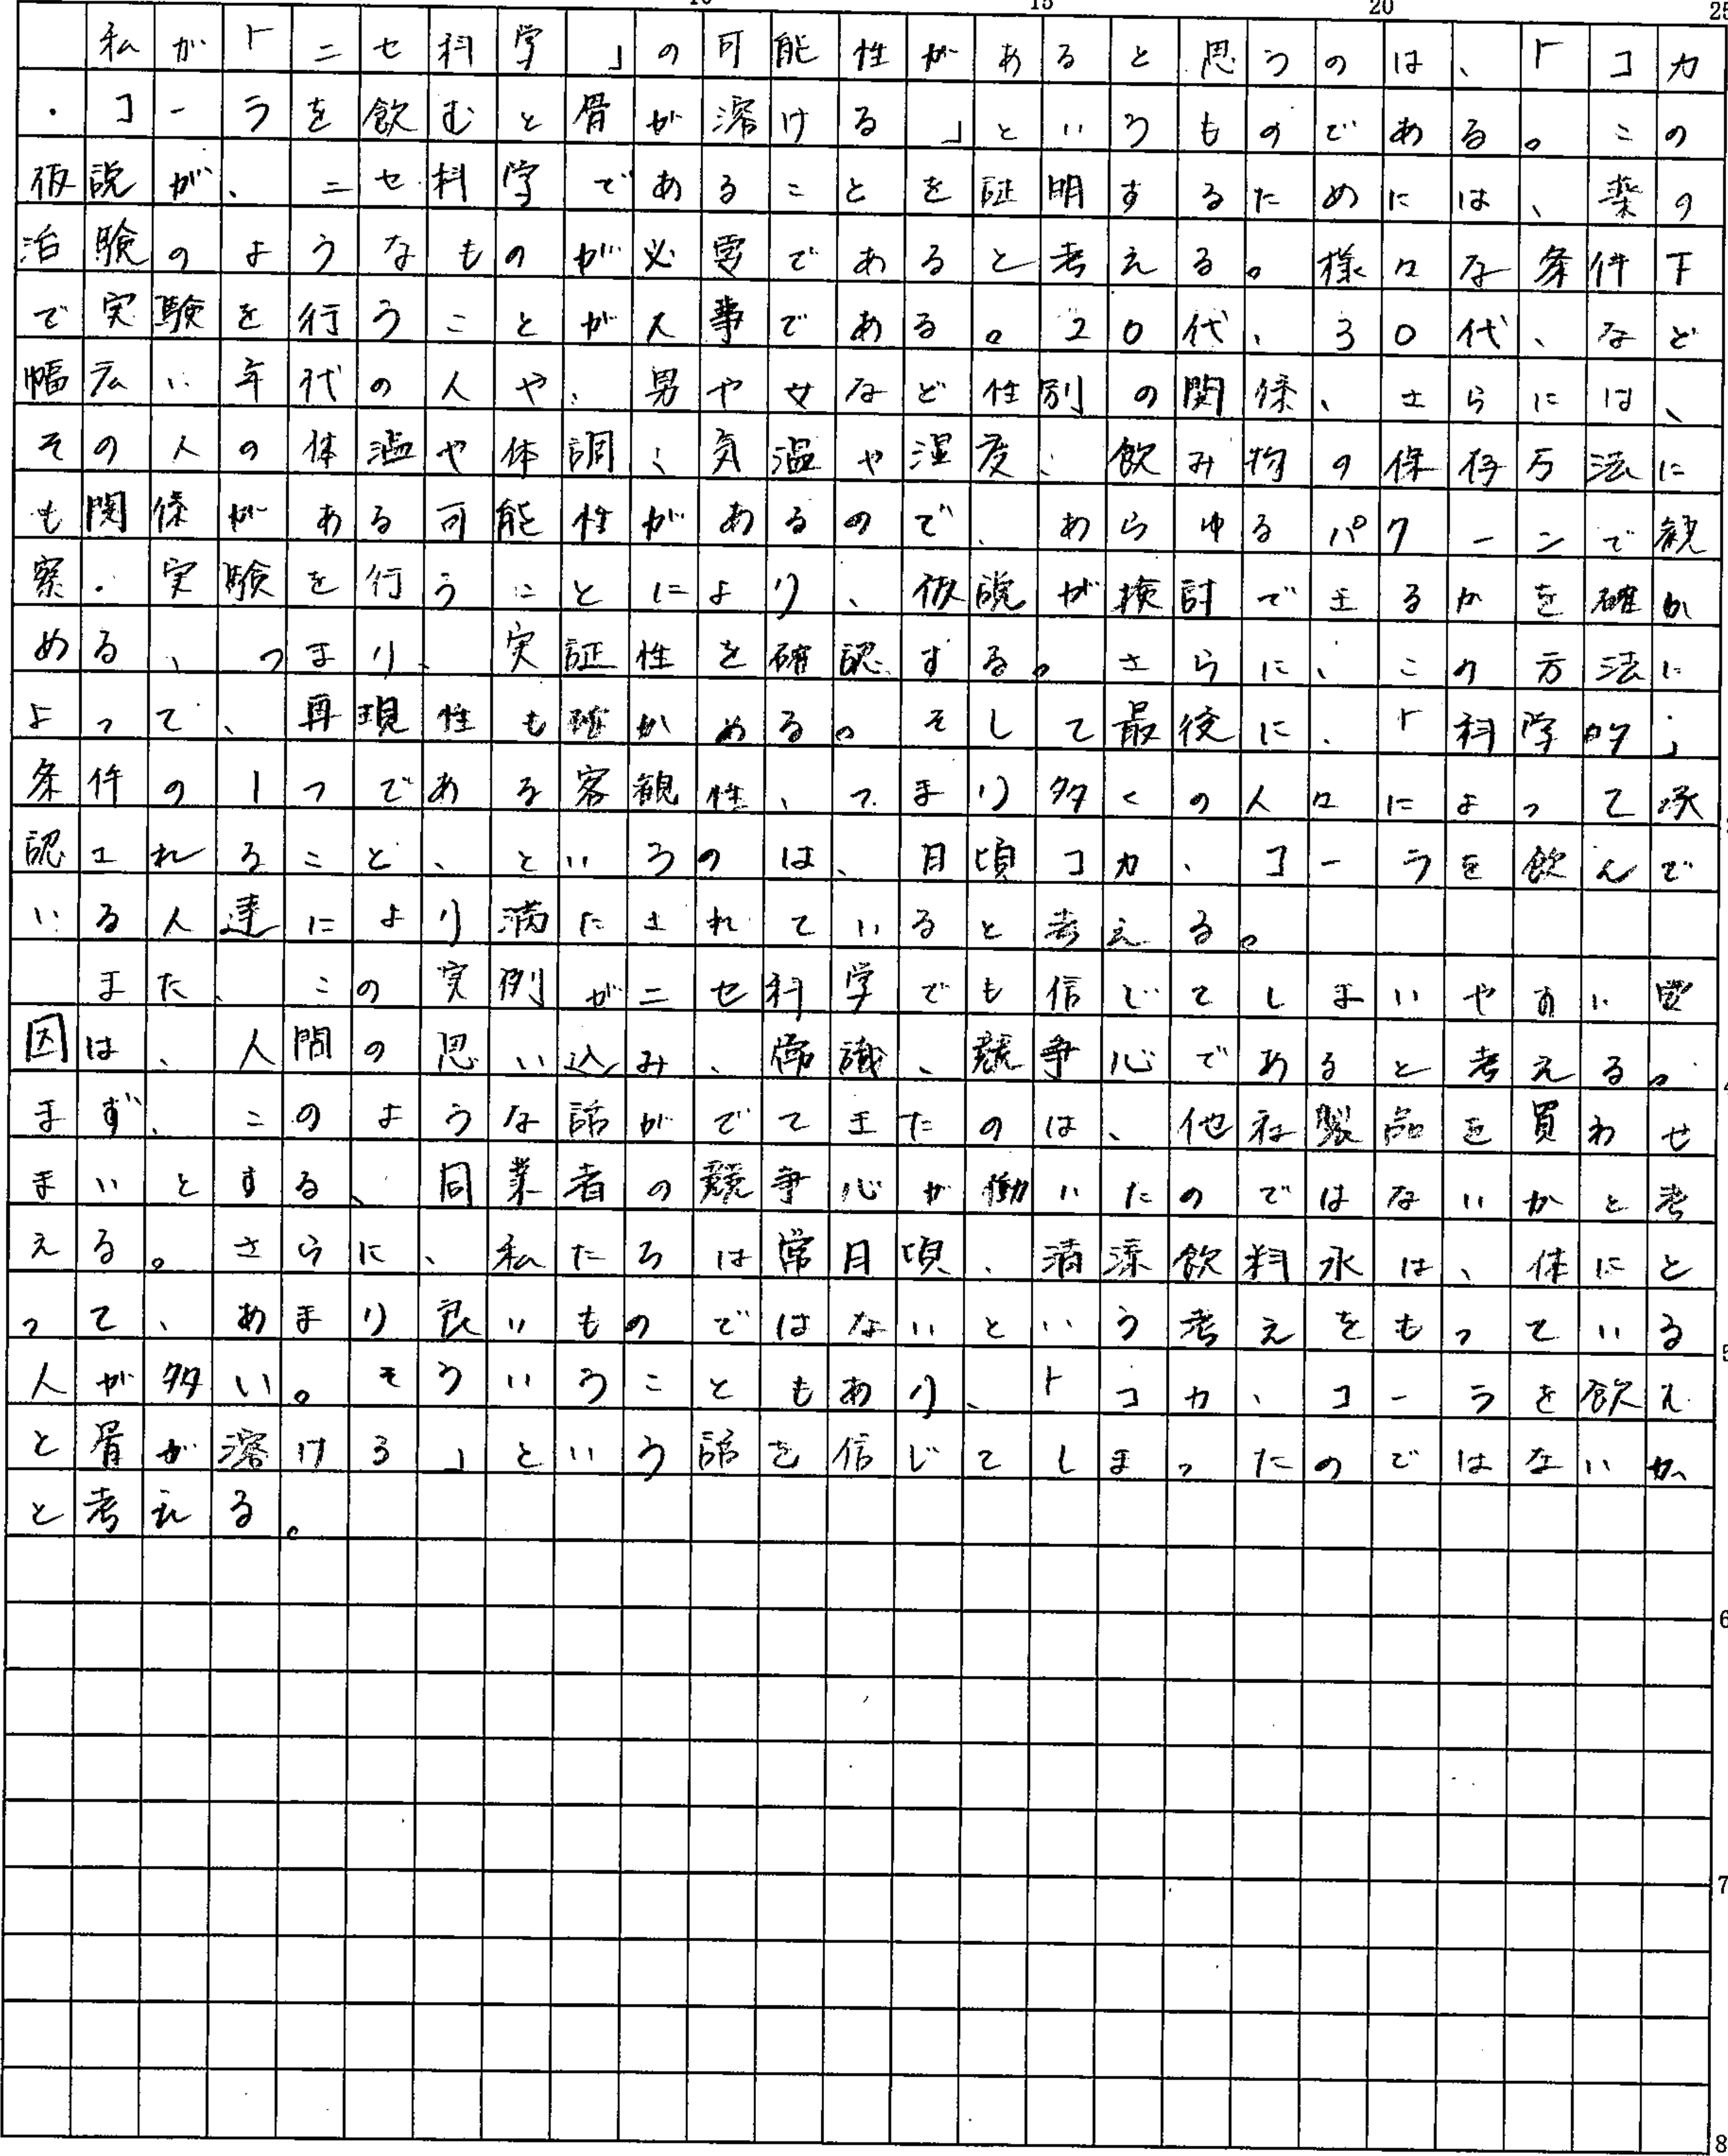　私が「ニセ科学」の可能性があると思うのは、「コカ・コーラを飲むと骨が溶ける」というものである。この仮説が、ニセ科学であることを証明するためには、薬の治験のようなものが必要であると考える。様々な条件下で実験を行うことが大事である。２０代、３０代、など幅広い年代の人や、男や女など性別の関係、さらには、その人の体温や体調、気温や湿度、飲み物の保存方法にも関係がある可能性があるので、あらゆるパターンで観察、実験を行うことにより、仮説が検討できるかを確かめる、つまり、実証性を確認する。さらに、この方法によって、再現性も確かめる。そして最後に、「科学的」条件の１つである客観性、つまり多くの人々によって承認されること、というのは、日頃コカ・コーラを飲んでいる人達により満たされていると考える。
　また、この実例がニセ科学でも信じてしまいやすい要因は、人間の思い込み、常識、競争心であると考える。まず、このような話がでてきたのは、他社製品を買わせまいとする、同業者の競争心が働いたのではないかと考える。さらに、私たちは常日頃、清涼飲料水は、体にとって、あまり良いものではないという考えをもっている人が多い。そういうこともあり、「コカ・コーラを飲むと骨が溶ける」という話を信じてしまったのではないかと考える。
